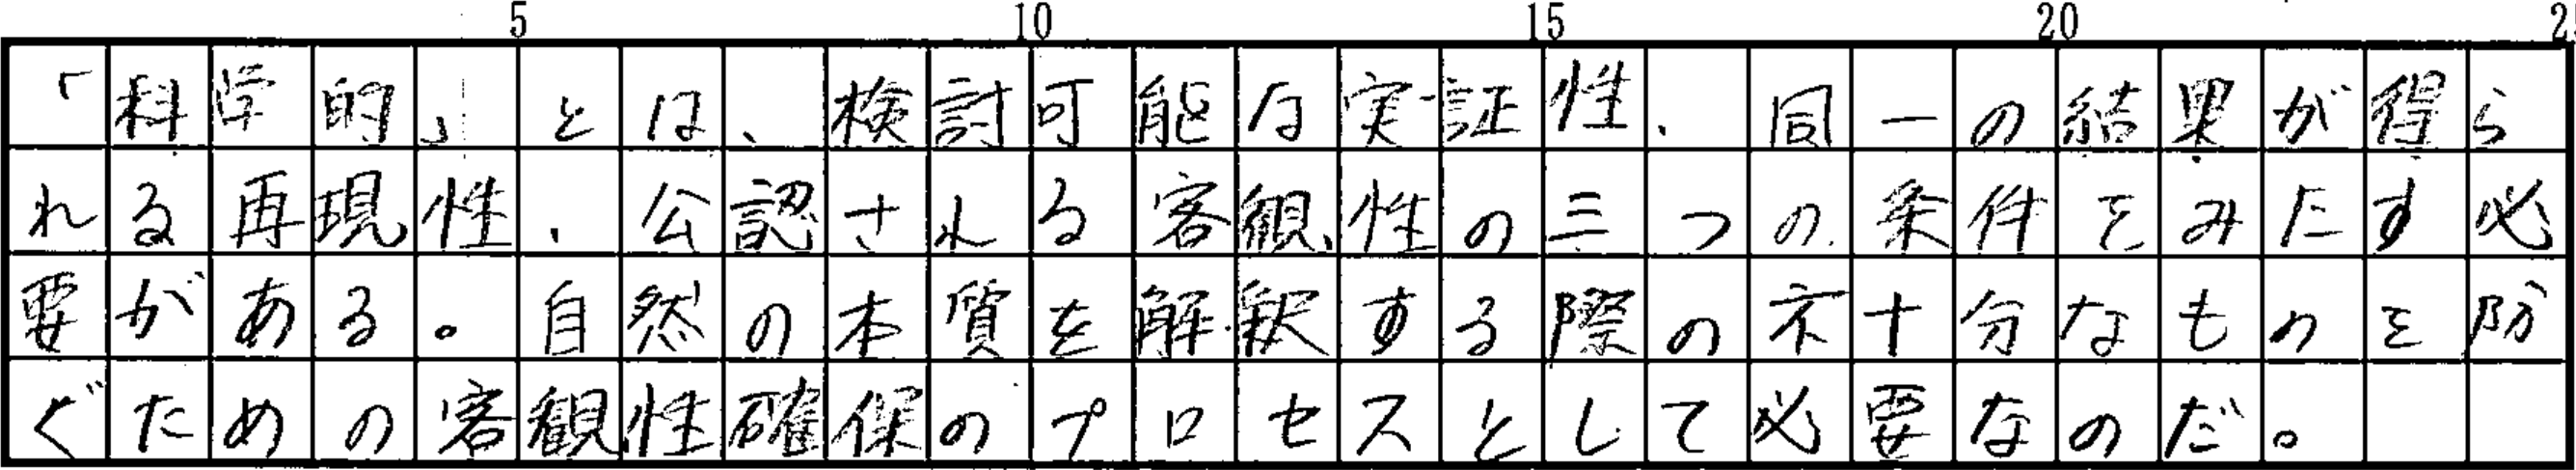「科学的」とは、検討可能な実証性、同一の結果が得られる再現性、公認される客観性の三つの条件をみたす必要がある。自然の本質を解釈する際の不十分なものを防ぐための客観性確保のプロセスとして必要なのだ。
